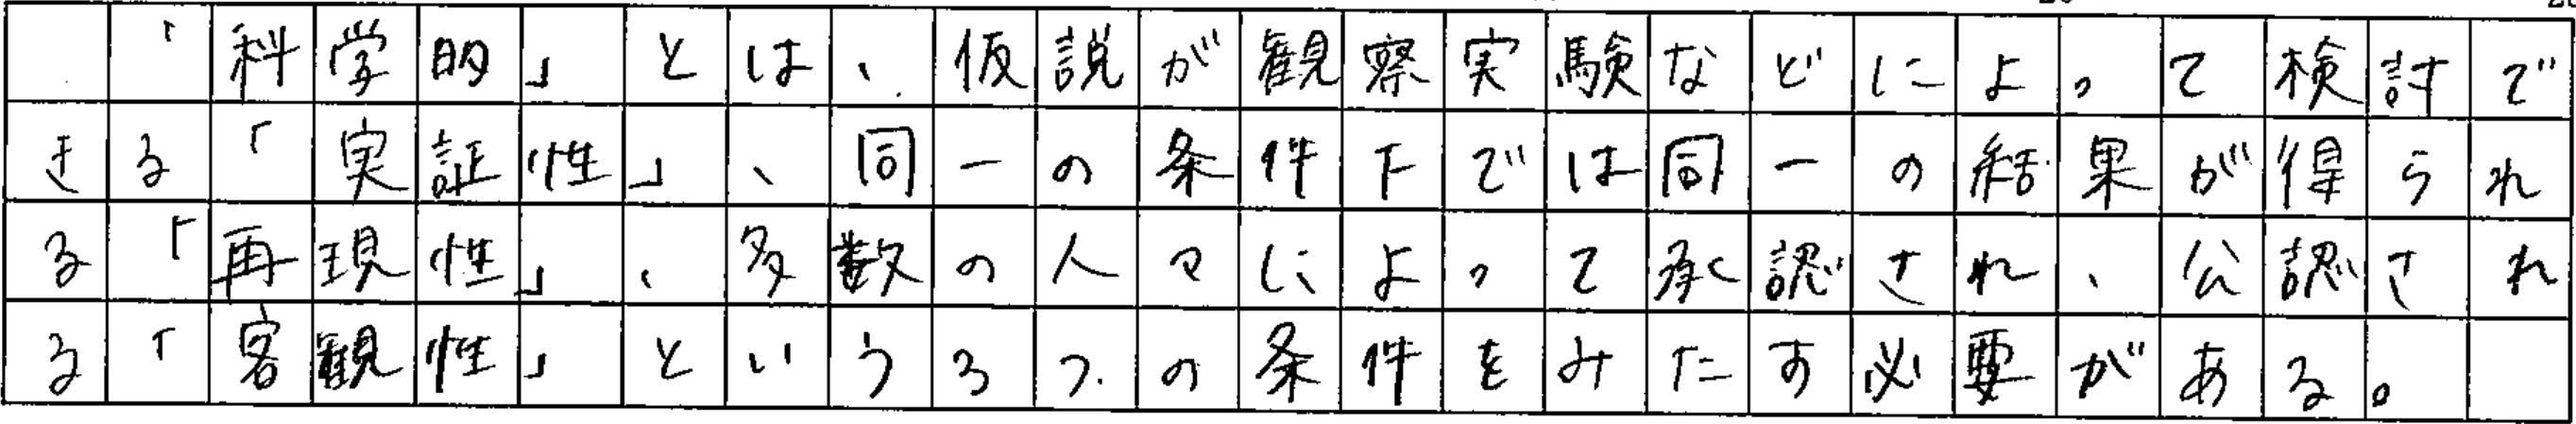　「科学的」とは、仮説が観察実験などによって検討できる「実証性」、同一の条件下では同一の結果が得られる「再現性」、多数の人々によって承認され、公認される「客観性」という３つの条件をみたす必要がある。
